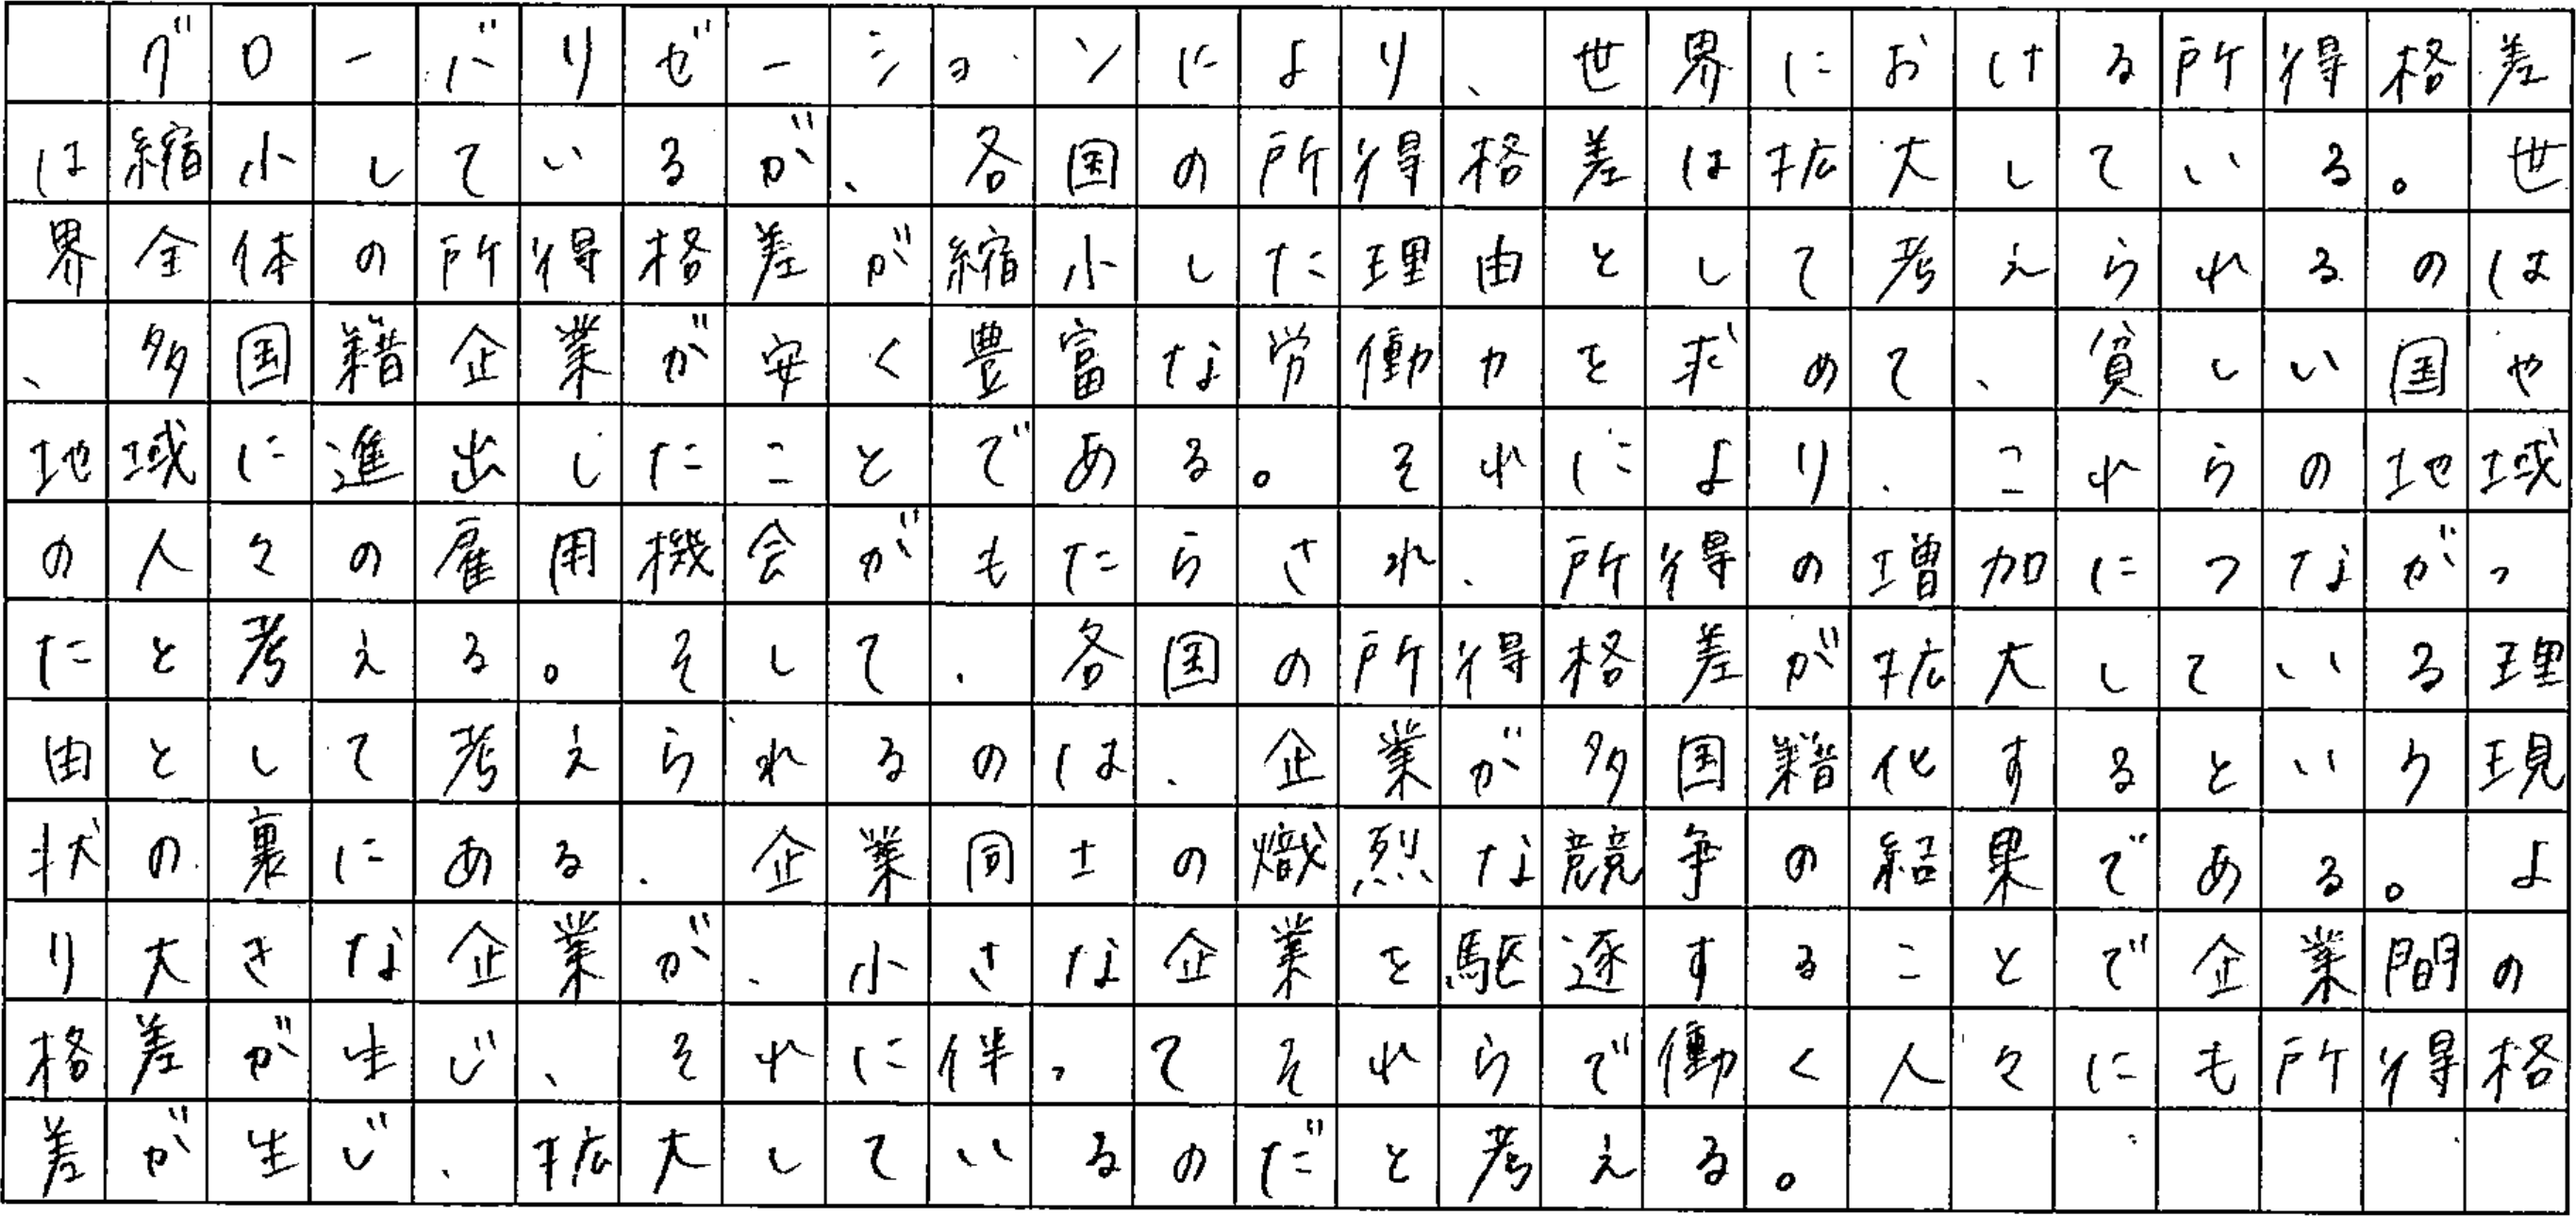　グローバリゼーションにより、世界における所得格差は縮小しているが、各国の所得格差は拡大している。世界全体の所得格差が縮小した理由として考えられるのは、多国籍企業が安く豊富な労働力を求めて、貧しい国や地域に進出したことである。それにより、これらの地域の人々の雇用機会がもたらされ、所得の増加につながったと考える。そして、各国の所得格差が拡大している理由として考えられるのは、企業が多国籍化するという現状の裏にある、企業同士の熾烈な競争の結果である。より大きな企業が、小さな企業を駆逐することで企業間の格差が生じ、それに伴ってそれらで働く人々にも所得格差が生じ、拡大しているのだと考える。
